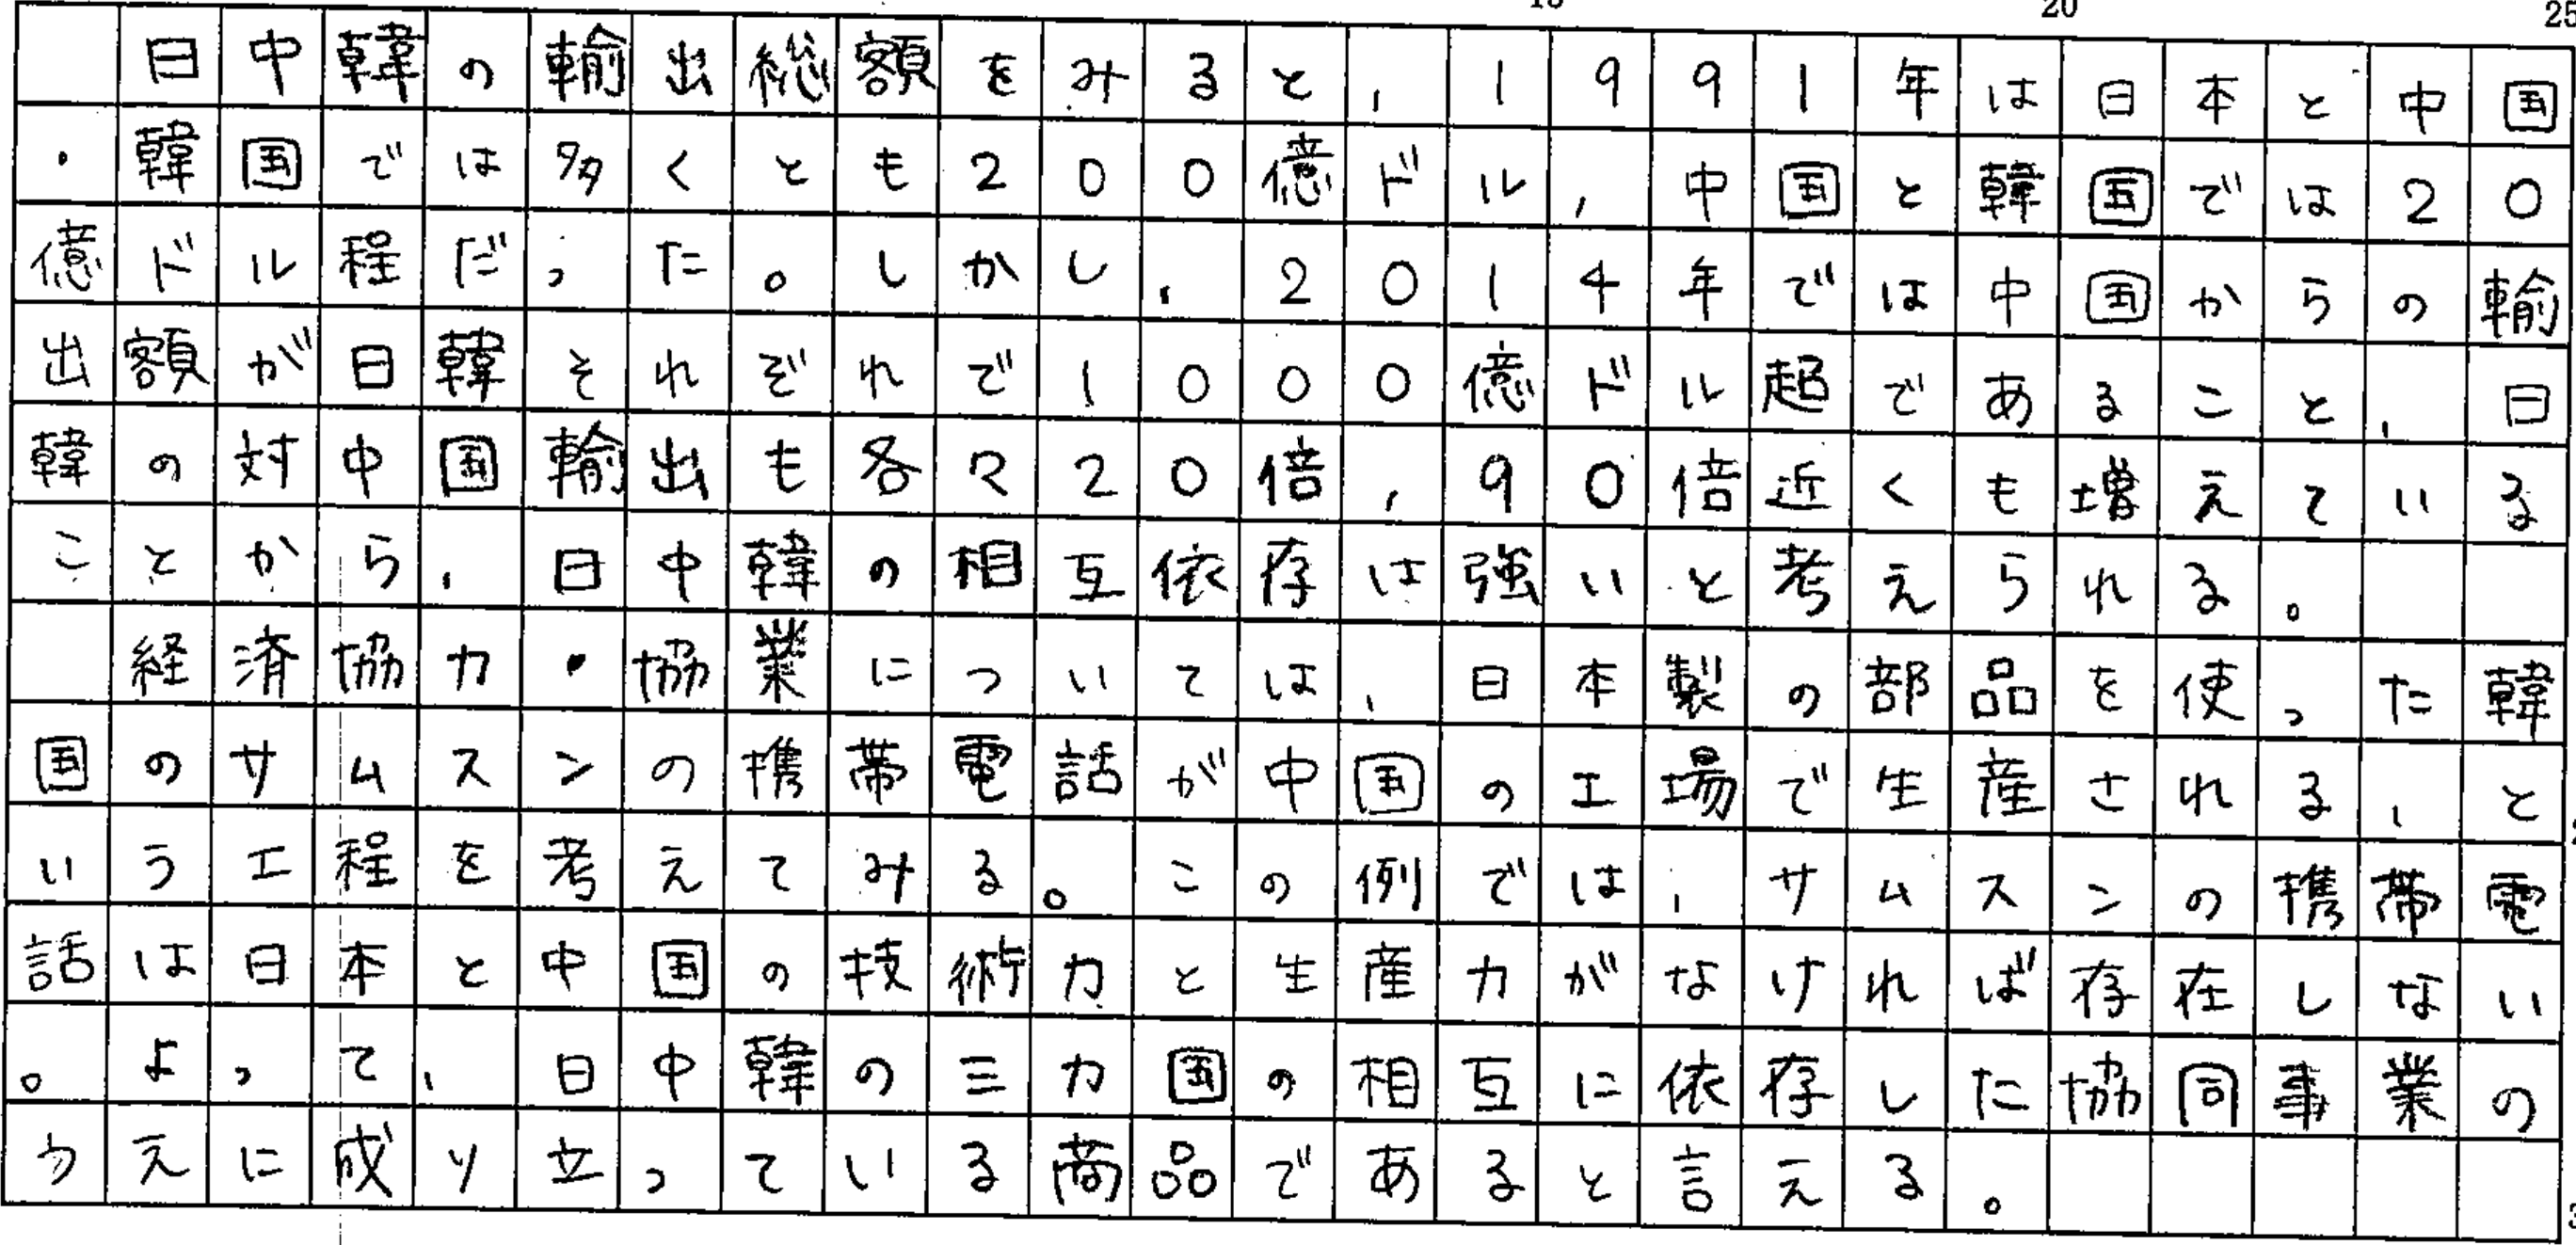　日中韓の輸出総額をみると，１９９１年は日本と中国・韓国では多くとも２００億ドル，中国と韓国では２０億ドル程だった。しかし、２０１４年では中国からの輸出額が日韓それぞれで１０００億ドル超であること、日韓の対中国輸出も各々２０倍，９０倍近くも増えていることから、日中韓の相互依存は強いと考えられる。
　経済協力・協業については、日本製の部品を使った韓国のサムスンの携帯電話が中国の工場で生産される、という工程を考えてみる。この例では，サムスンの携帯電話は日本と中国の技術力と生産力がなければ存在しない。よって、日中韓の三カ国の相互に依存した協同事業のうえに成り立っている商品であると言える。
